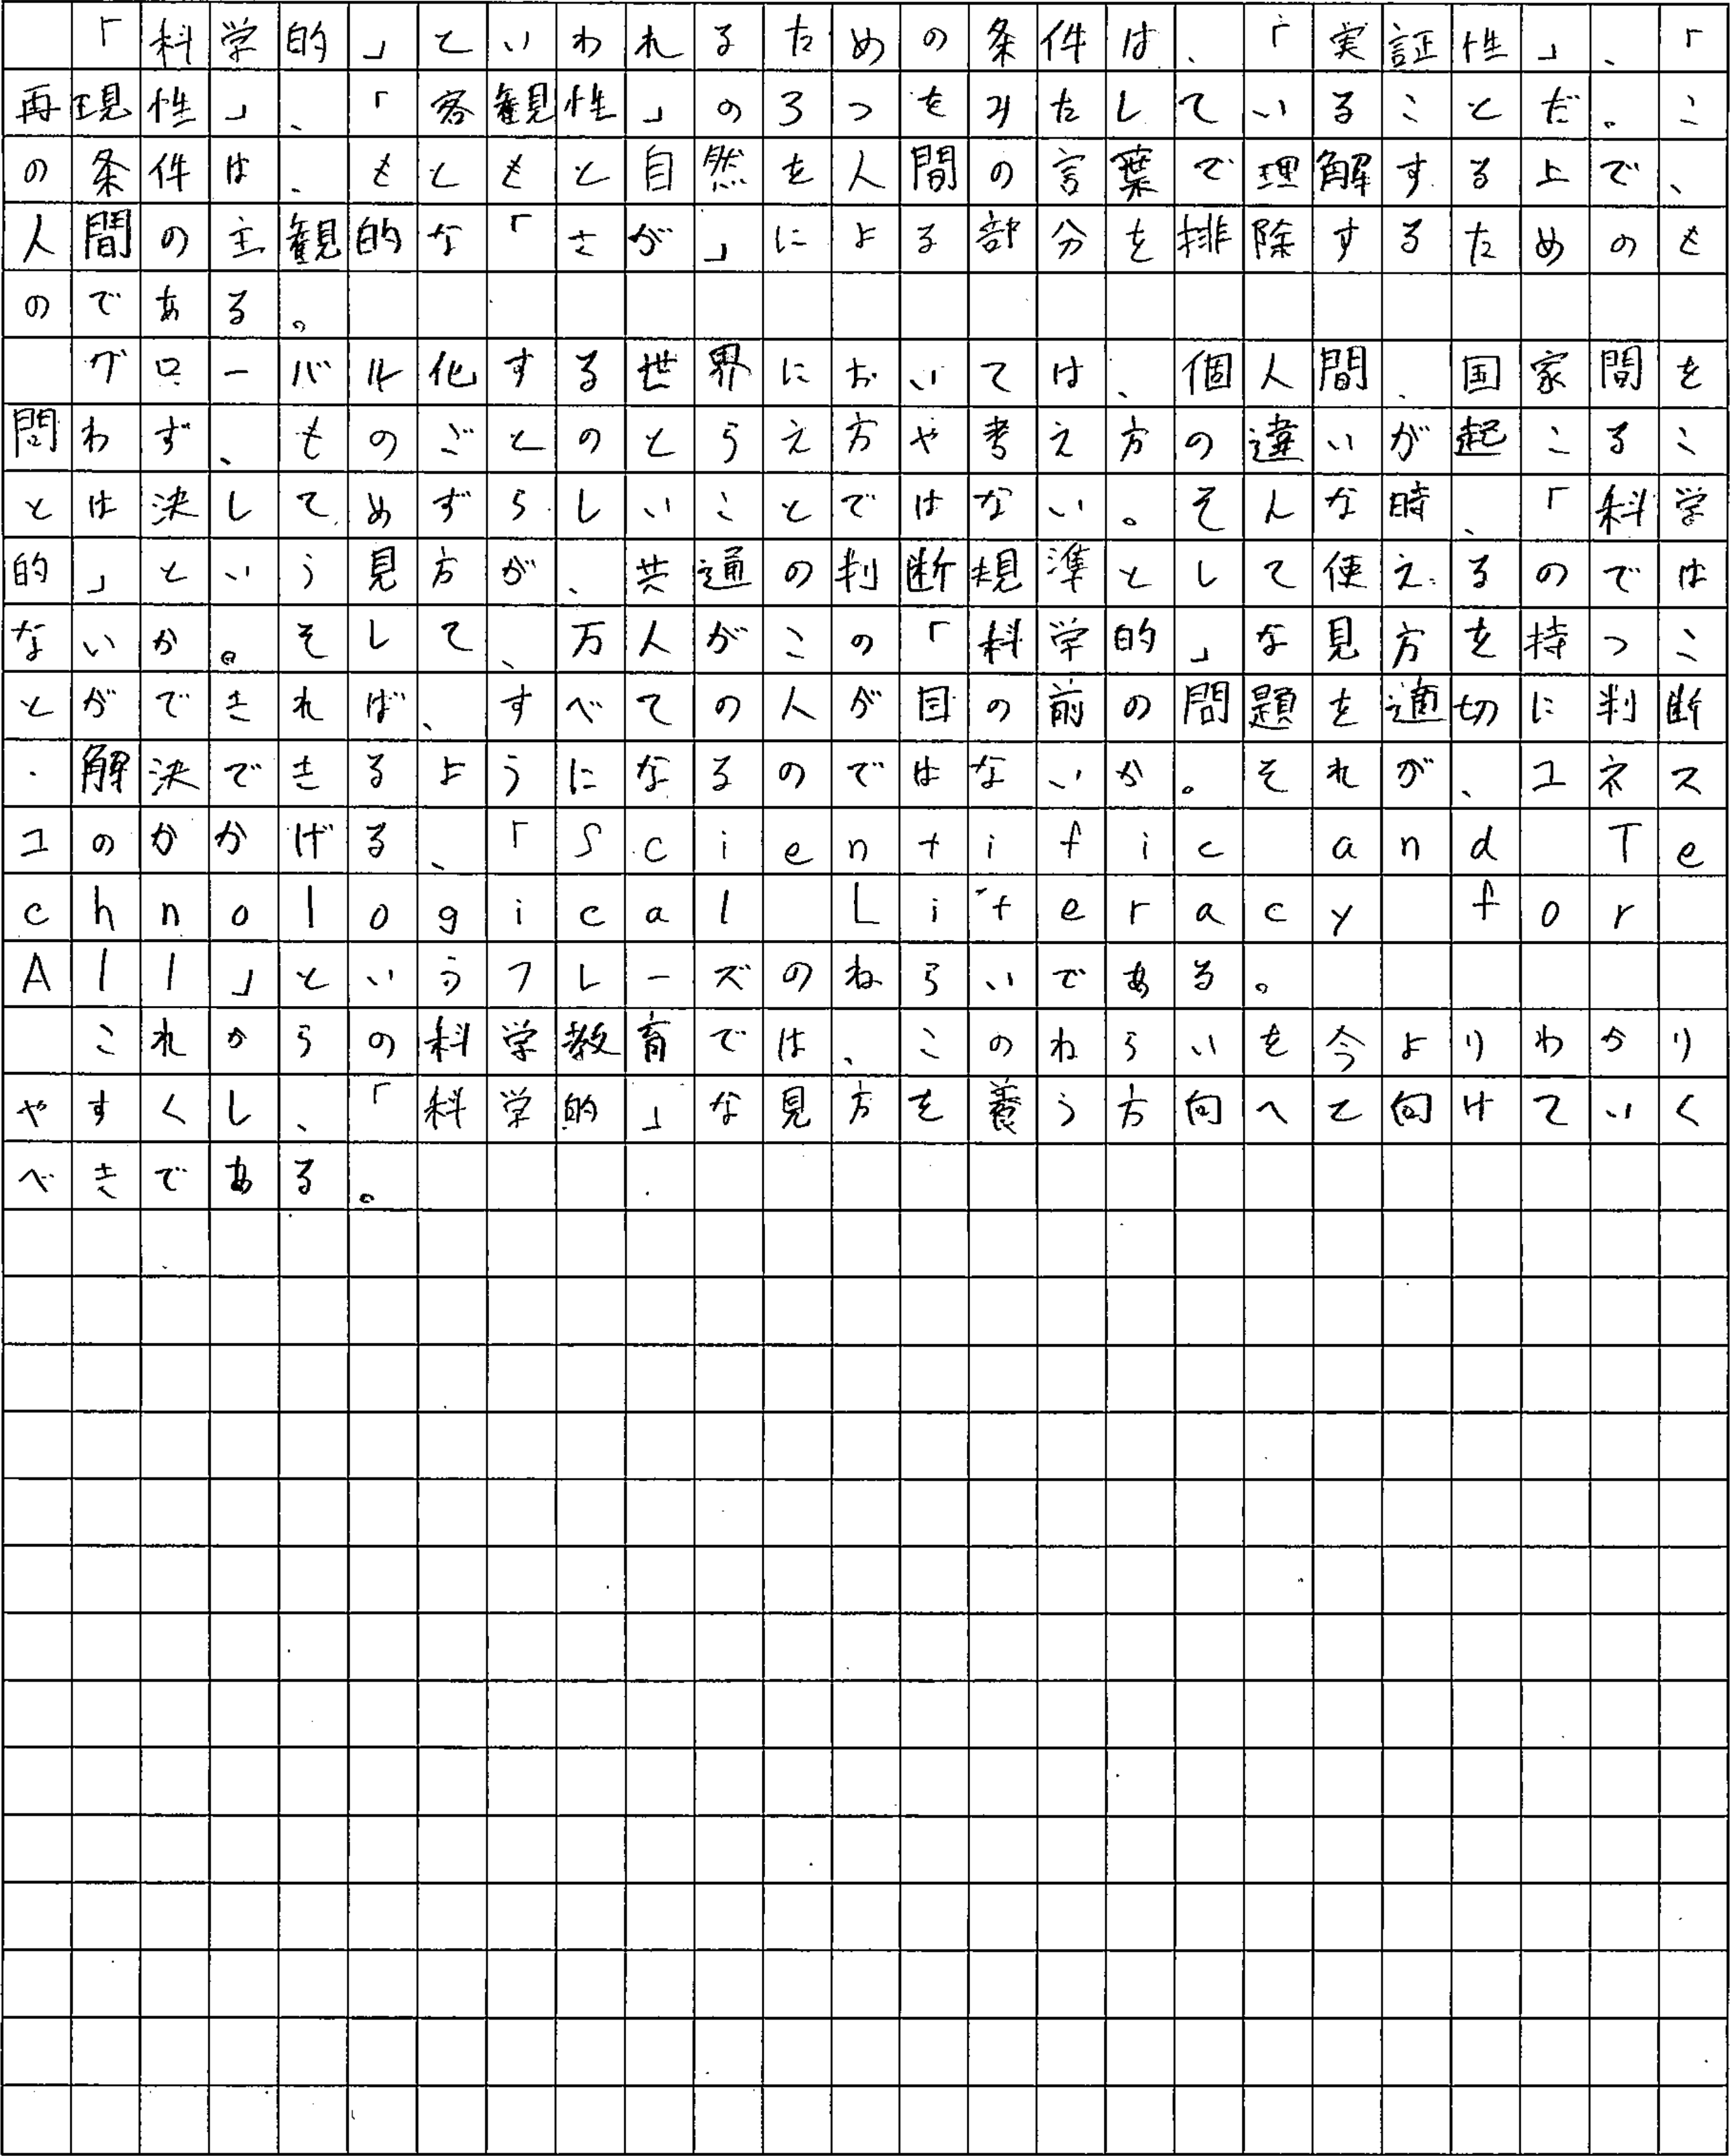　「科学的」といわれるための条件は、「実証性」、「再現性」、「客観性」の３つをみたしていることだ。この条件は、もともと自然を人間の言葉で理解する上で、人間の主観的な「さが」による部分を排除するためのものである。
　グローバル化する世界においては、個人間、国家間を問わず、ものごとのとらえ方や考え方の違いが起こることは決してめずらしいことではない。そんな時、「科学的」という見方が、共通の判断規準として使えるのではないか。そして、万人がこの「科学的」な見方を持つことができれば、すべての人が目の前の問題を適切に判断・解決できるようになるのではないか。それが、ユネスコのかかげる、「Ｓｃｉｅｎｔｉｆｉｃ　ａｎｄ　Ｔｅｃｈｎｏｌｏｇｉｃａｌ　Ｌｉｔｅｒａｃｙ　ｆｏｒ　Ａｌｌ」というフレーズのねらいである。
　これからの科学教育では、このねらいを今よりわかりやすくし、「科学的」な見方を養う方向へと向けていくべきである。
